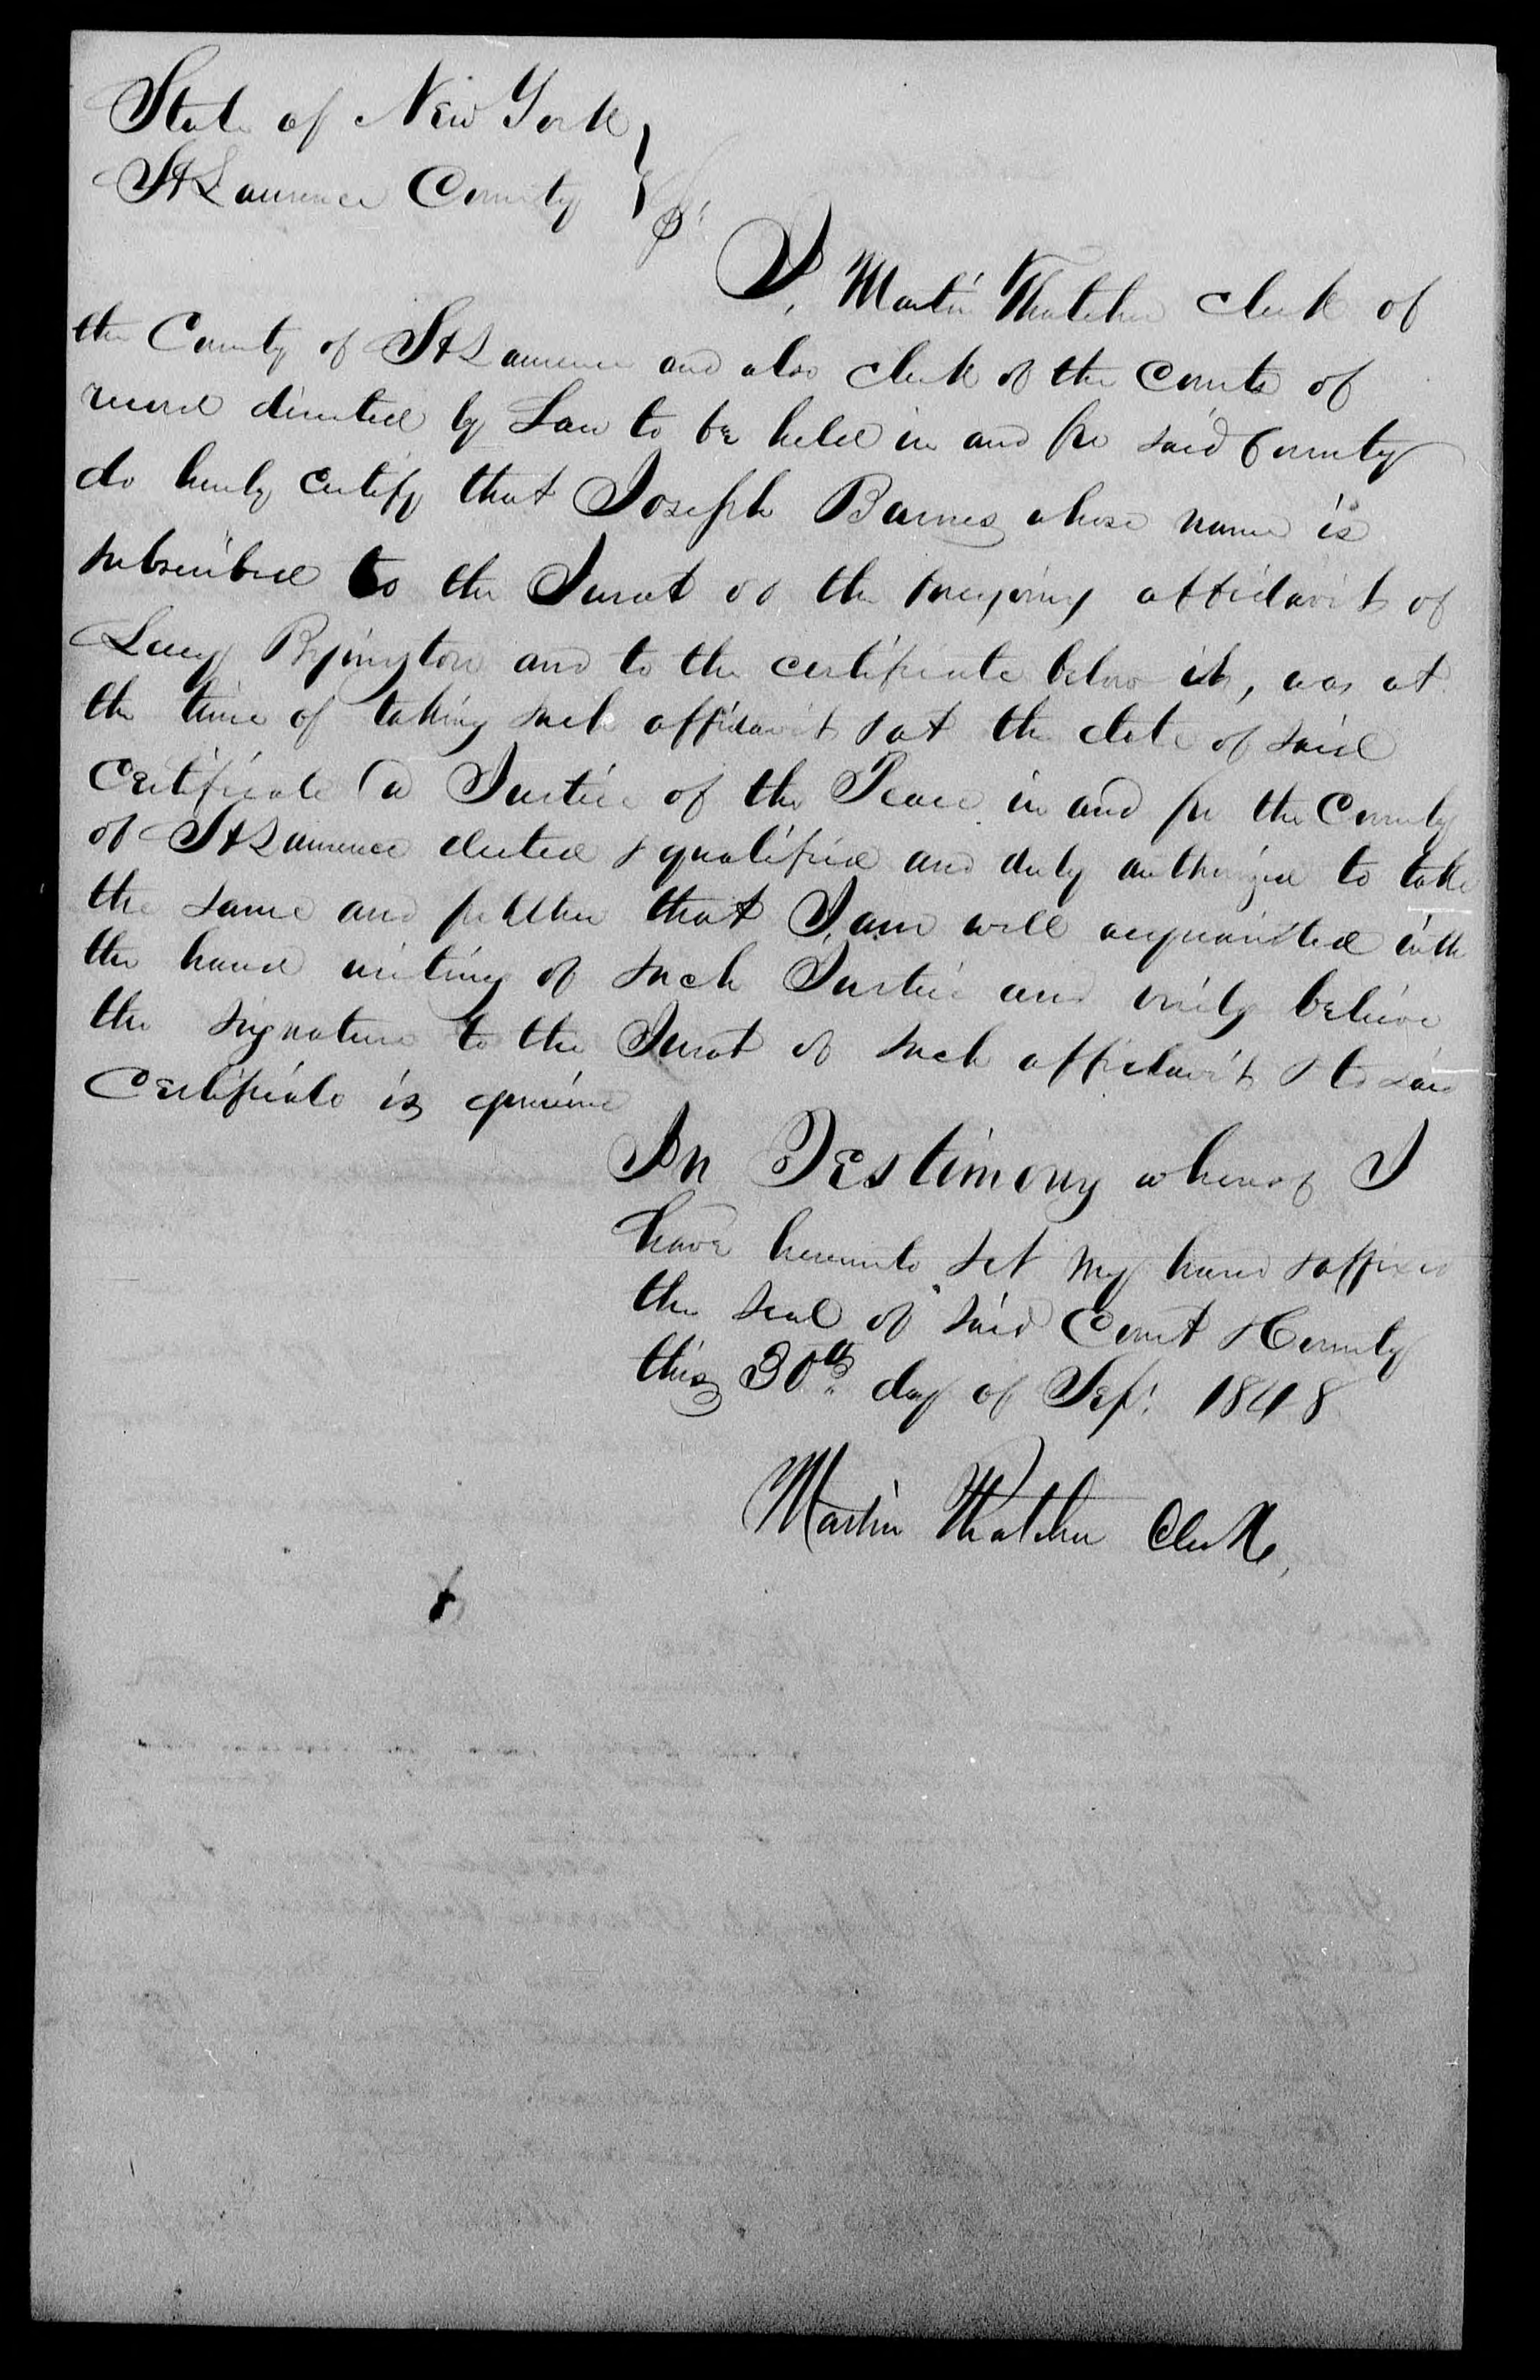State of New York
St. Lawrence County ss:
I Martin Thatcher Clerk of the County of St. Lawrence and also Clerk of the Courts of record directed by Law to be held in and for said County do hereby certify that Joseph Barnes whose name is subscribed to the Jurot do the foregoing affidavits of Lucy Byington and to the certificate below is, was at the time of taking such affidavit & at the date of said certificate a Justice of the Peace in and for the County of St. Lawrence elected & qualified and duly authorized to take the same and further that I am well acquainted with the hand writing of such Justice and verily believe the signature to the Jurot of such affidavits & the said certificate is genuine.
In Testimony where I have hereunto set me hand & affixed the seal of said Court & County this 30th day of Sep: 1848
Martin Thatcher Clerk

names: Joseph Barnes, Lucy Byington, Martin Thatcher, Martin Thatcher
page: 54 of 79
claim: widow's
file: W. 23754, Justus Byington, Conn.